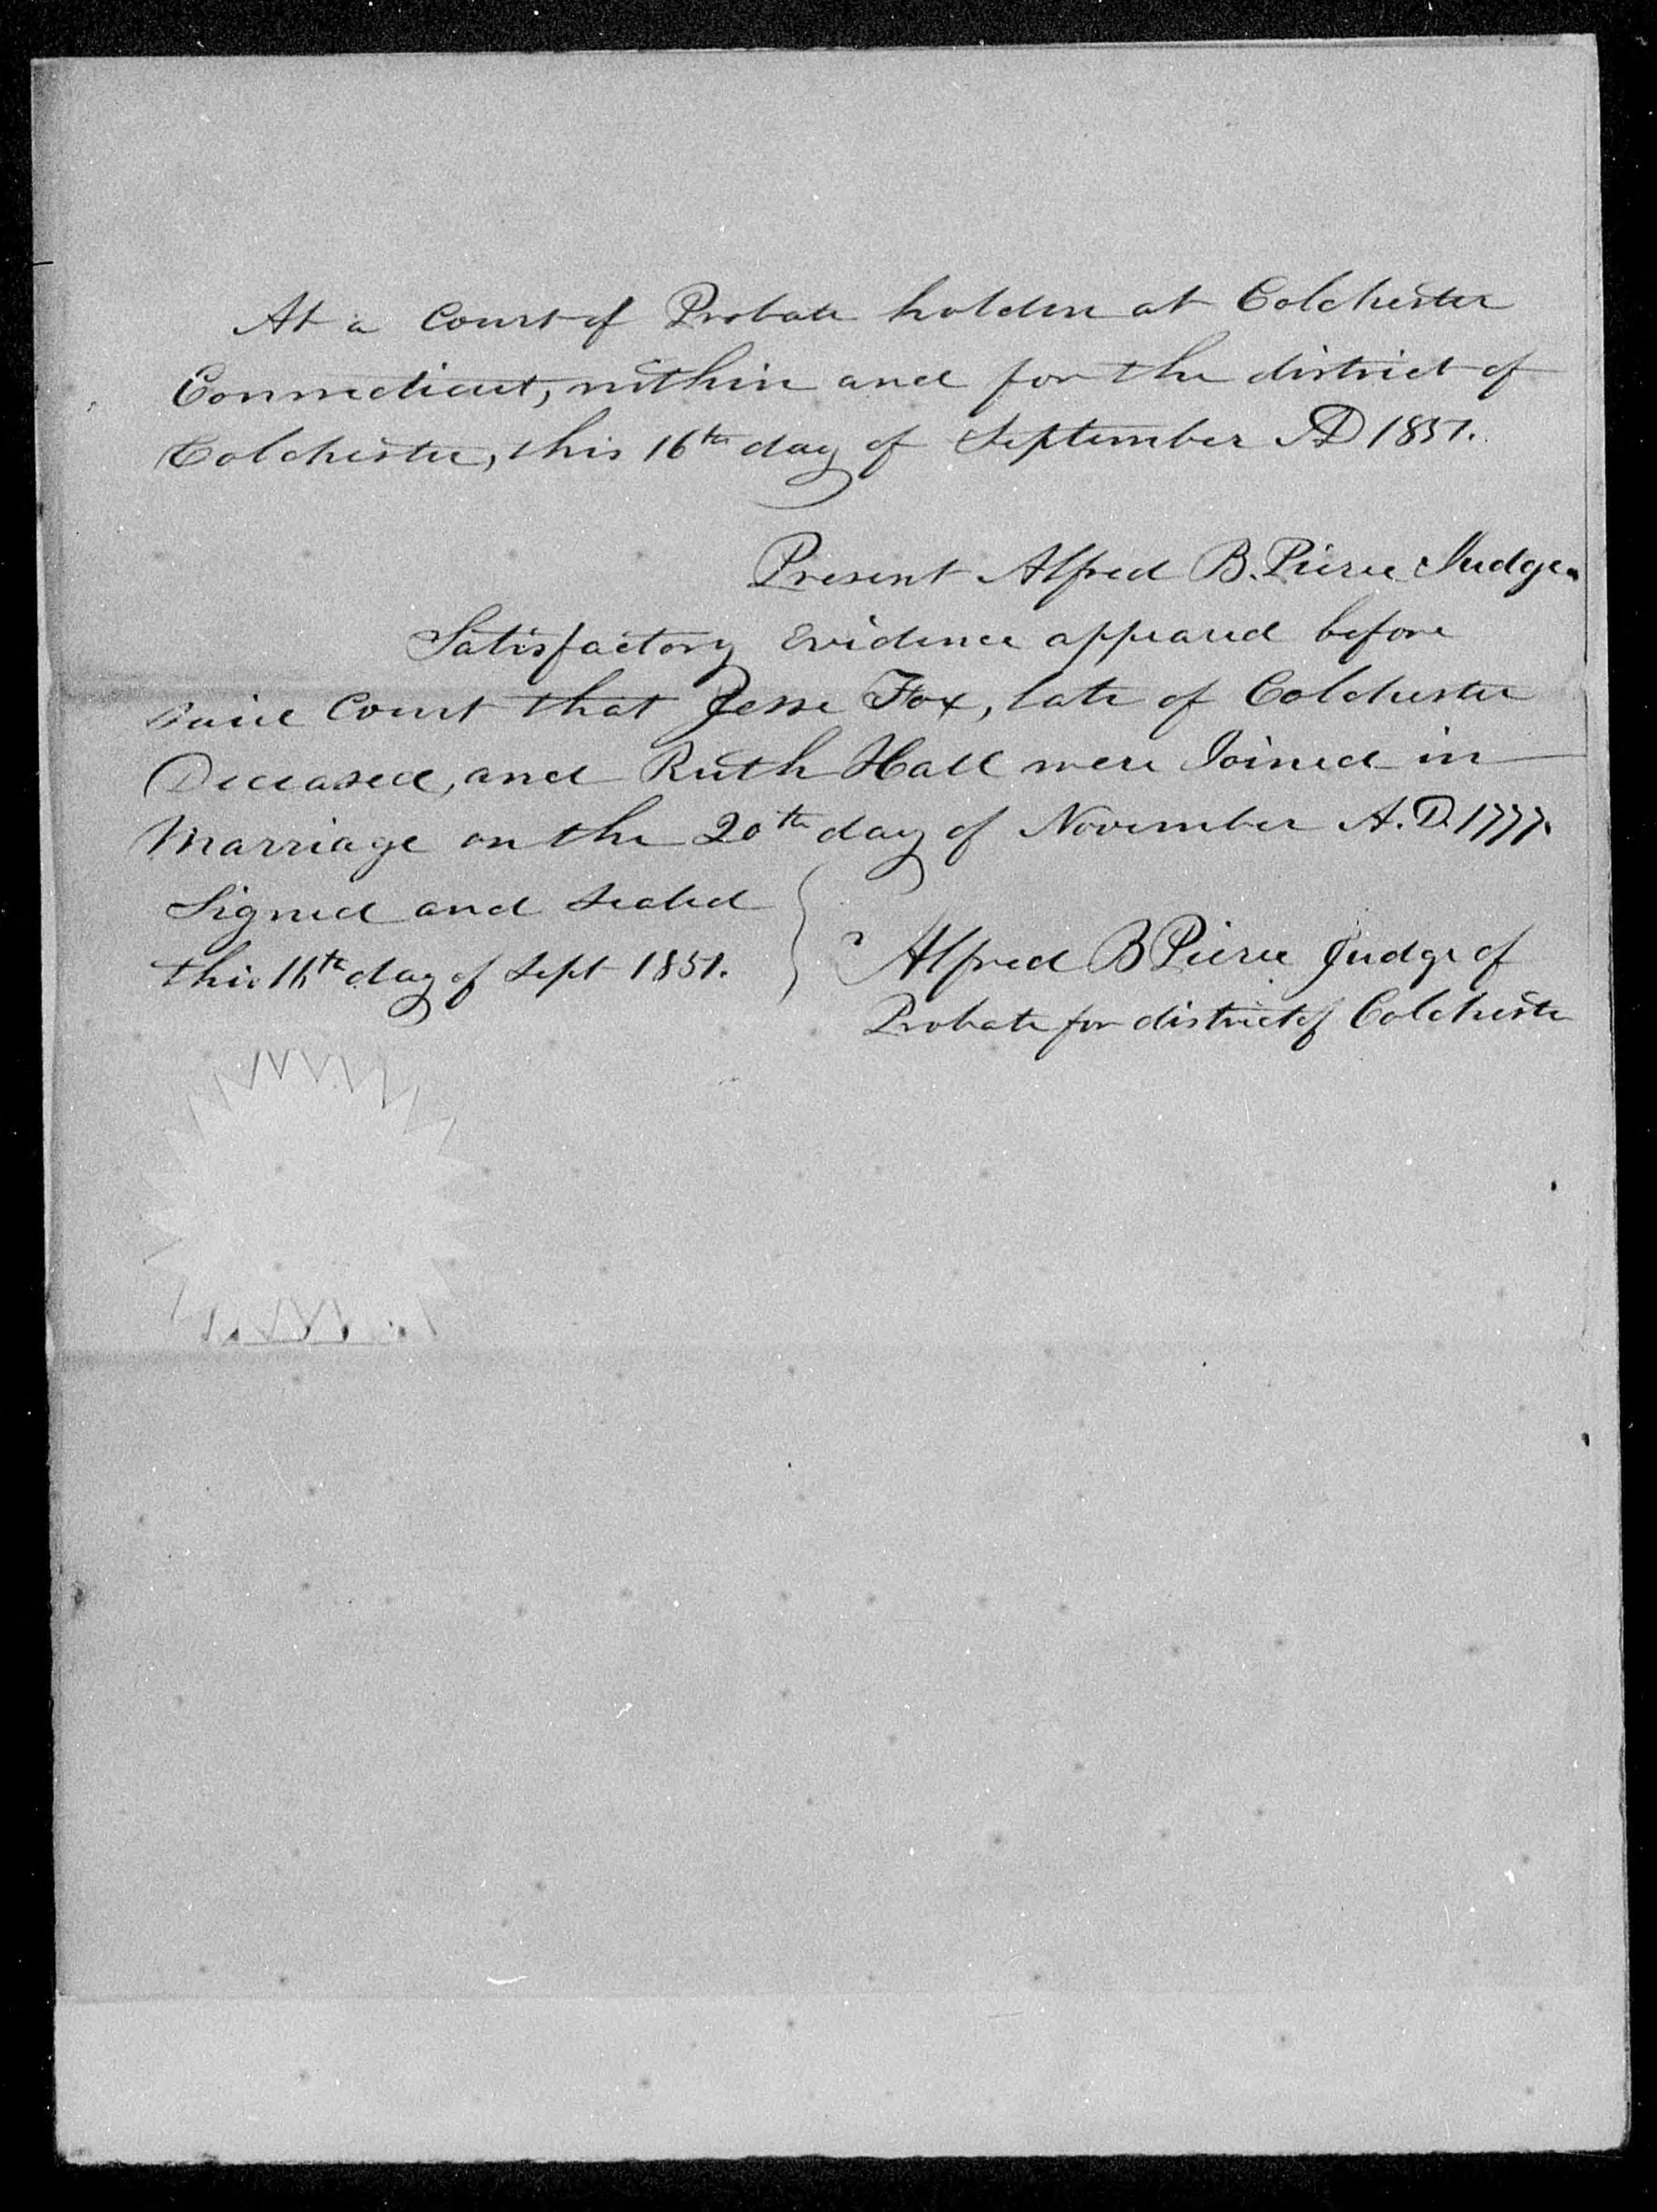At a court of Probate holden at Colchester Connecticut, within and for the district of Colchester, this 16th day of September AD 1857.

Present Alfred B. Pierce Judge 

Satisfactory evidence appeared before said court that Jesse Fox, late of Colchester deceased, and Ruth Fox, late of Colchester marriage on the 20th day of November AD 1777.

Signed and sealed this 16th day of April 1857.

Alfred B Pierce Judge of Probate for district of Colchester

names: Alfred B Pierce, Alfred B Pierce, Jesse Fox, Ruth Hall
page: 30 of 53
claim: rejected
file: R. 3732, Jesse Fox, Conn.